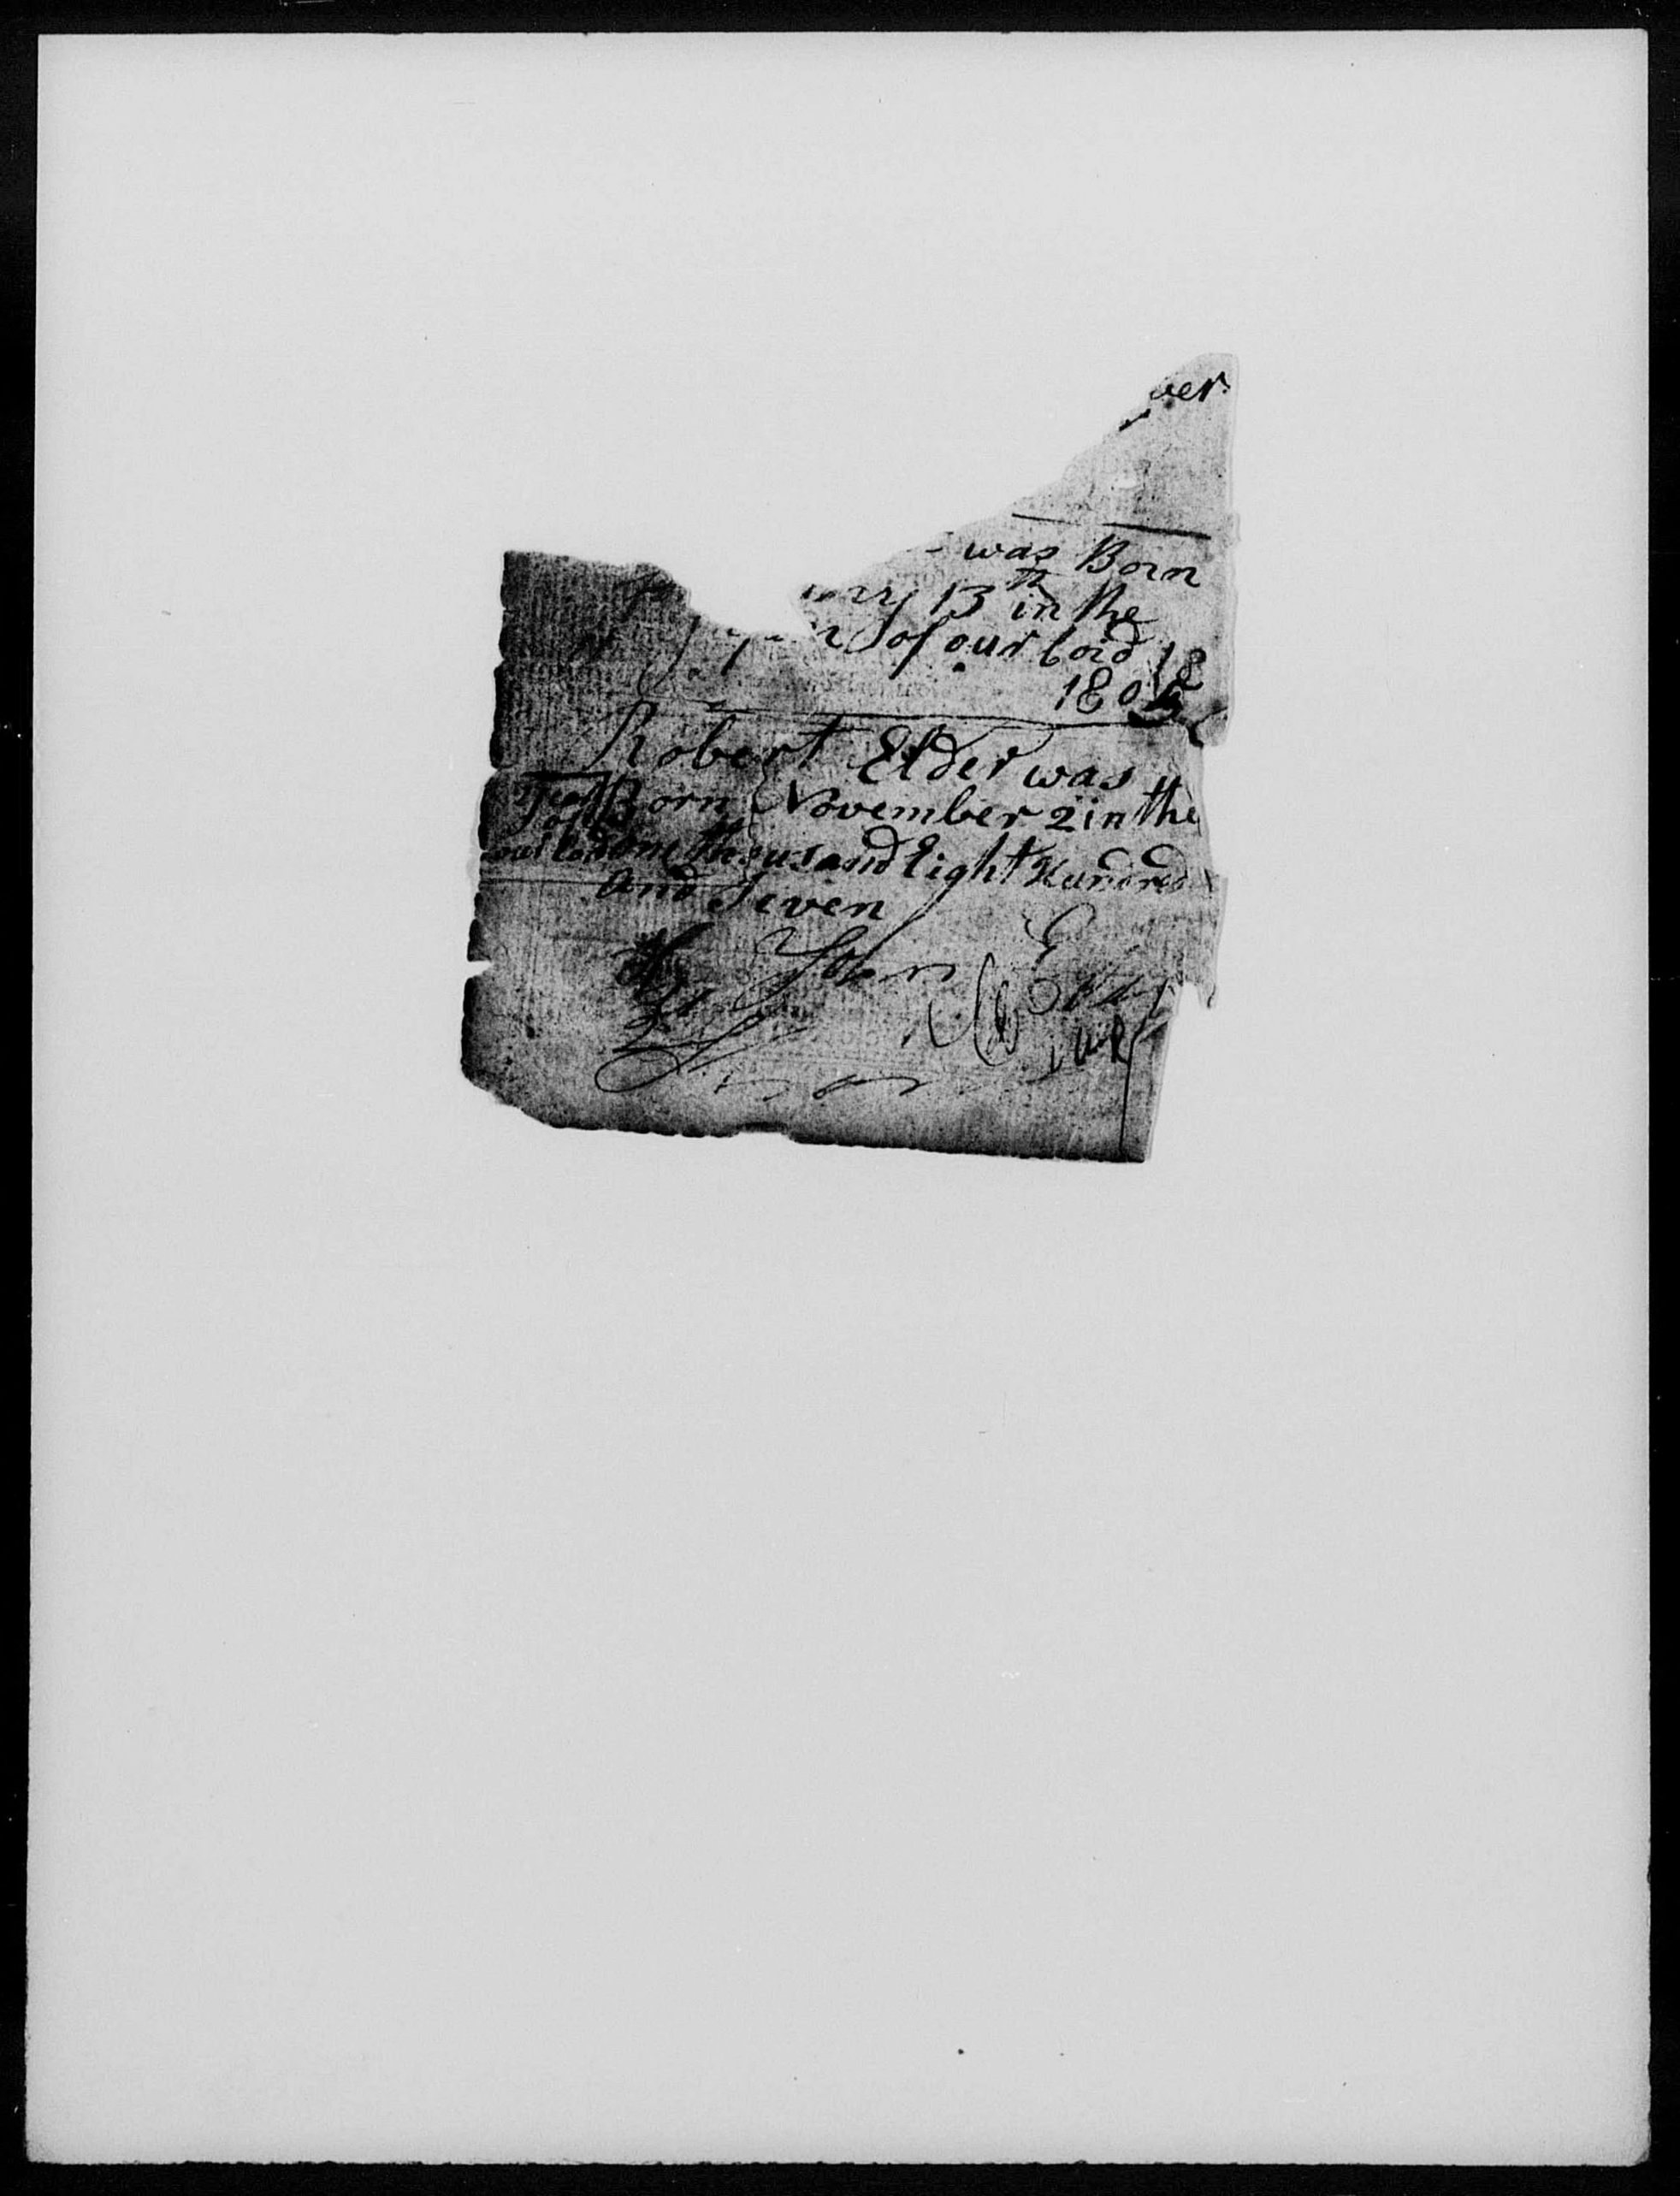Page is torn.
was born
January 13 in the year of our lord 1805.
Robert Elder was born November 21 in the year of our lord eighteen hundred and seven. 
Illegible signatures.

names: John Elder, Robert Elder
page: 11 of 80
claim: widow's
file: W. 24117, John Elder, Penn.